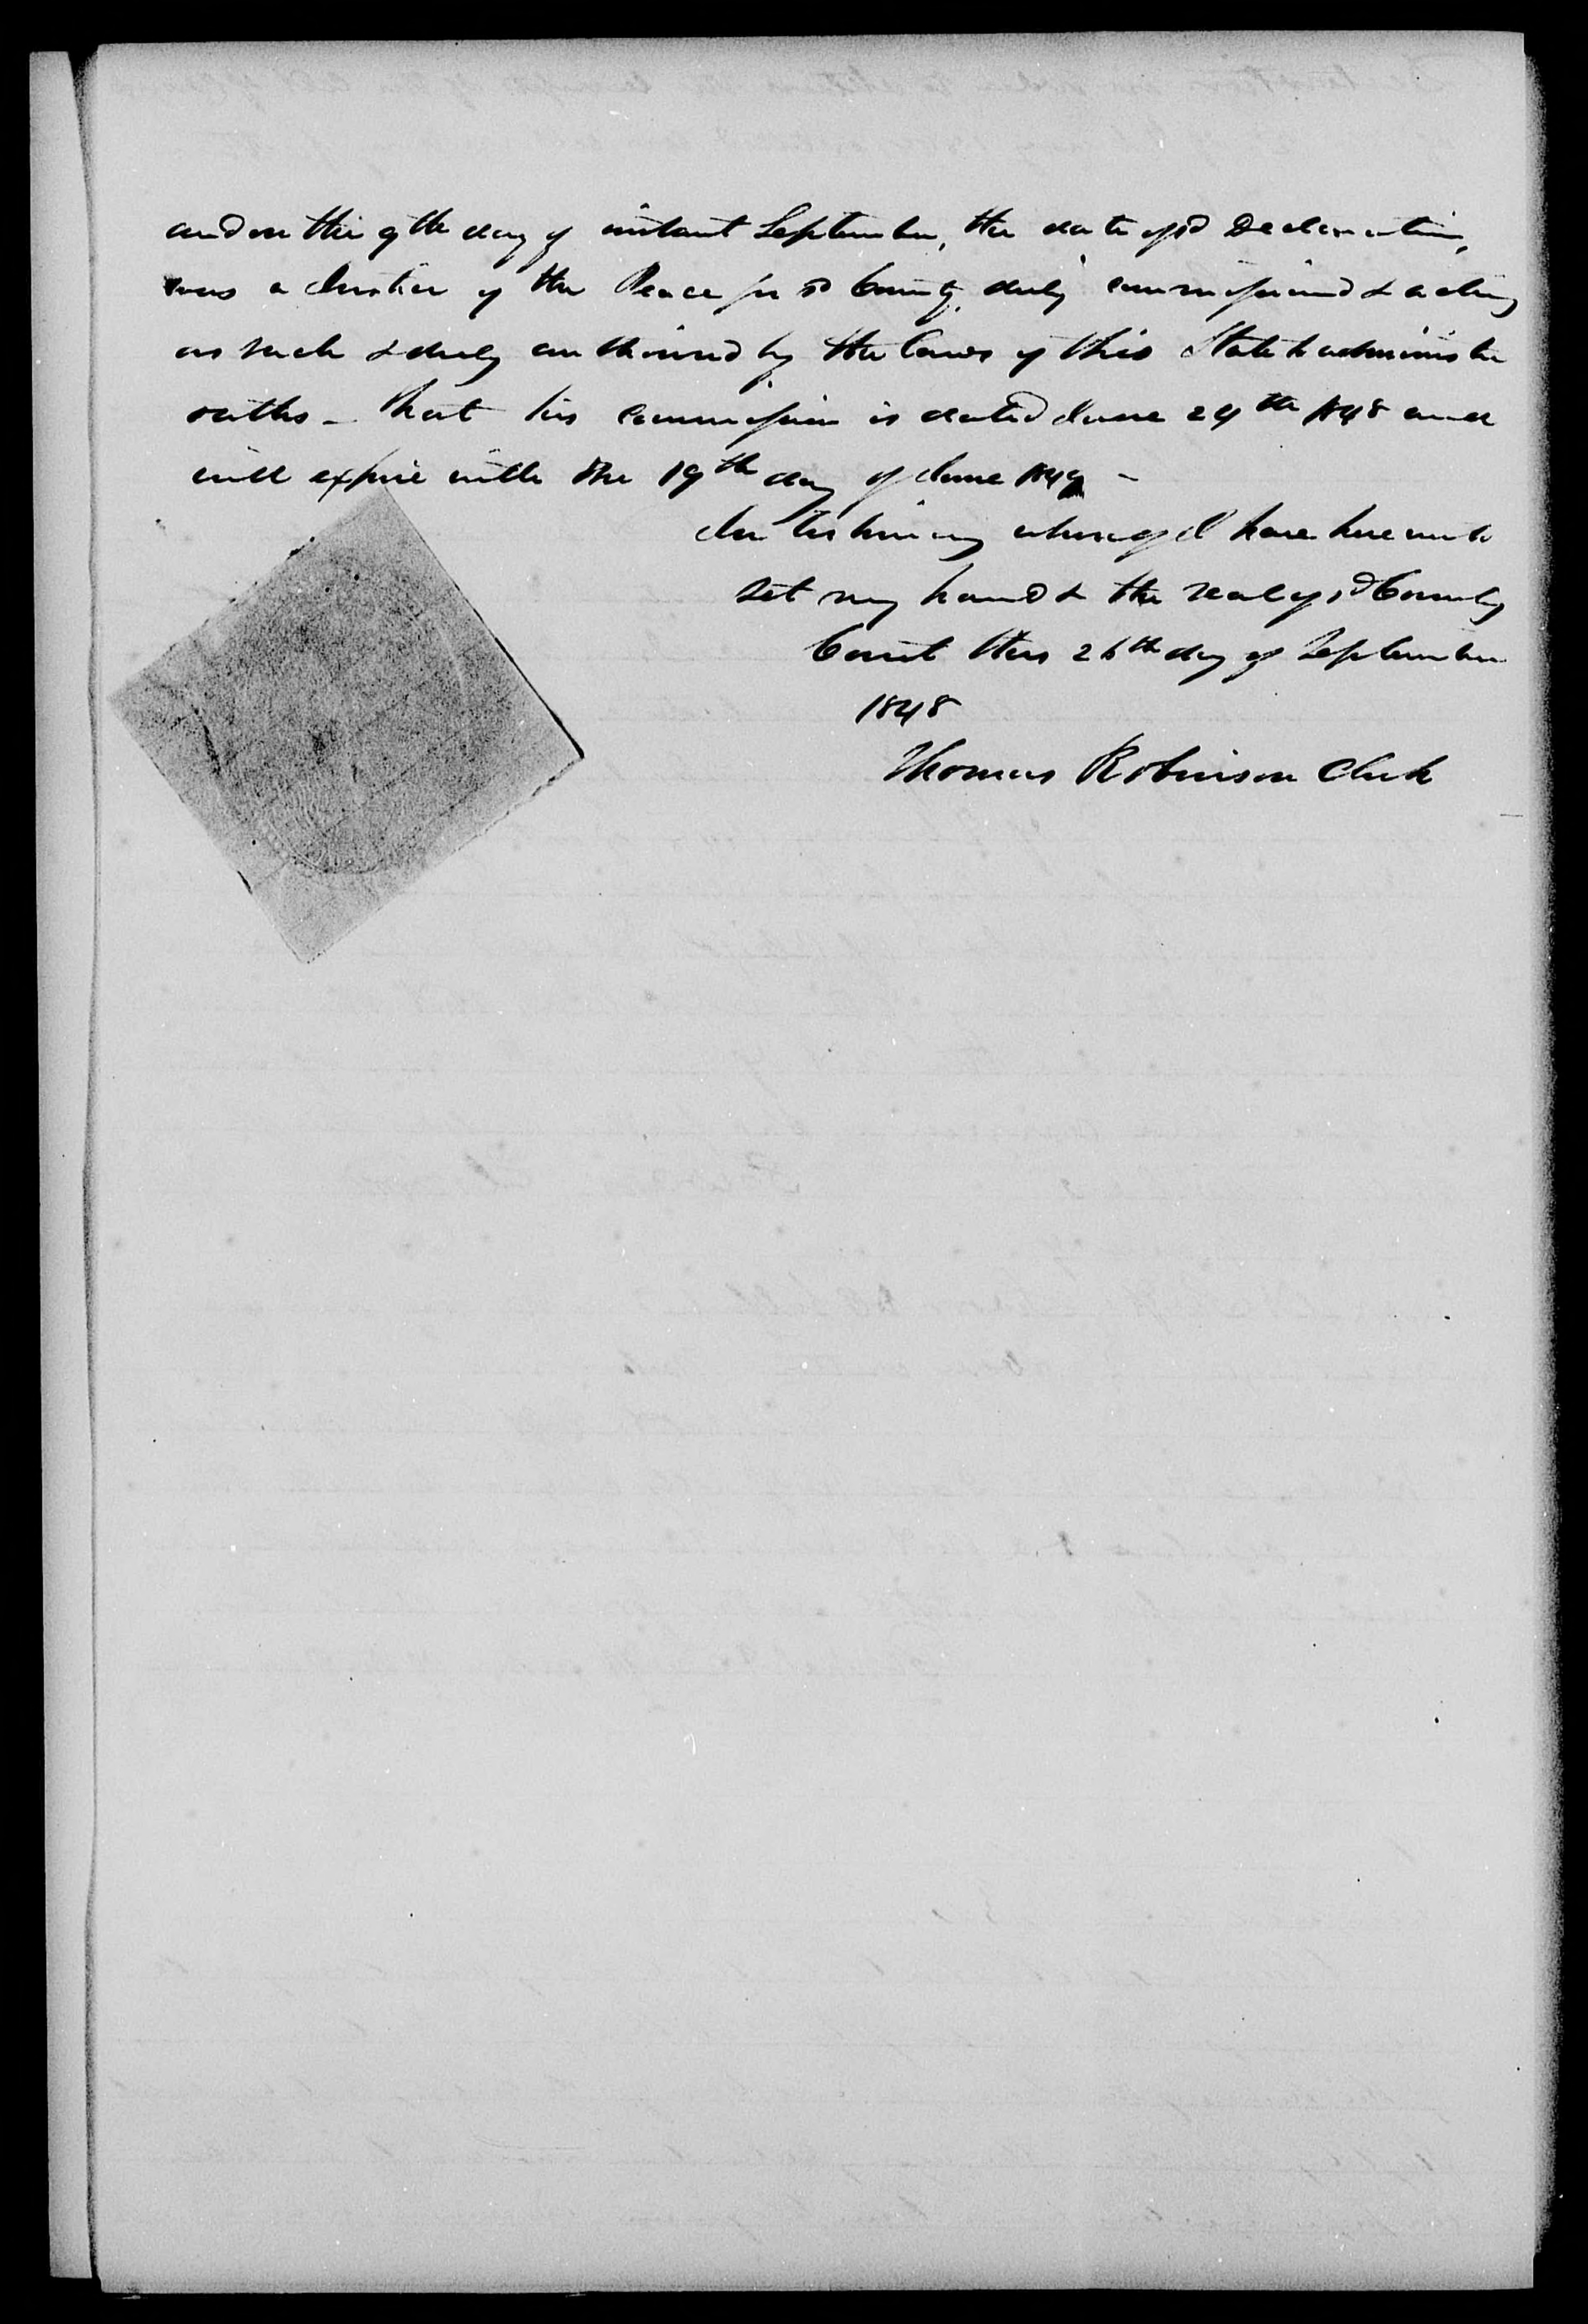and on this 9th day of [unk] September, the date of declaration, was  Justice of the Peace for & being duly commissioned & [unk] as such & duly authorized by the Laws of this State administer oaths, that his commission is dated June 24th 1848 and will expire with the 19th day of June 1849.

In testimony whereof I have hereunto set my hand & the seal of County Court this 26th day of September 1848

Thomas Robinson Clerk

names: Thomas Robinson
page: 53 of 69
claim: widow's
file: W. 25562, Abijah Elwood, Conn.